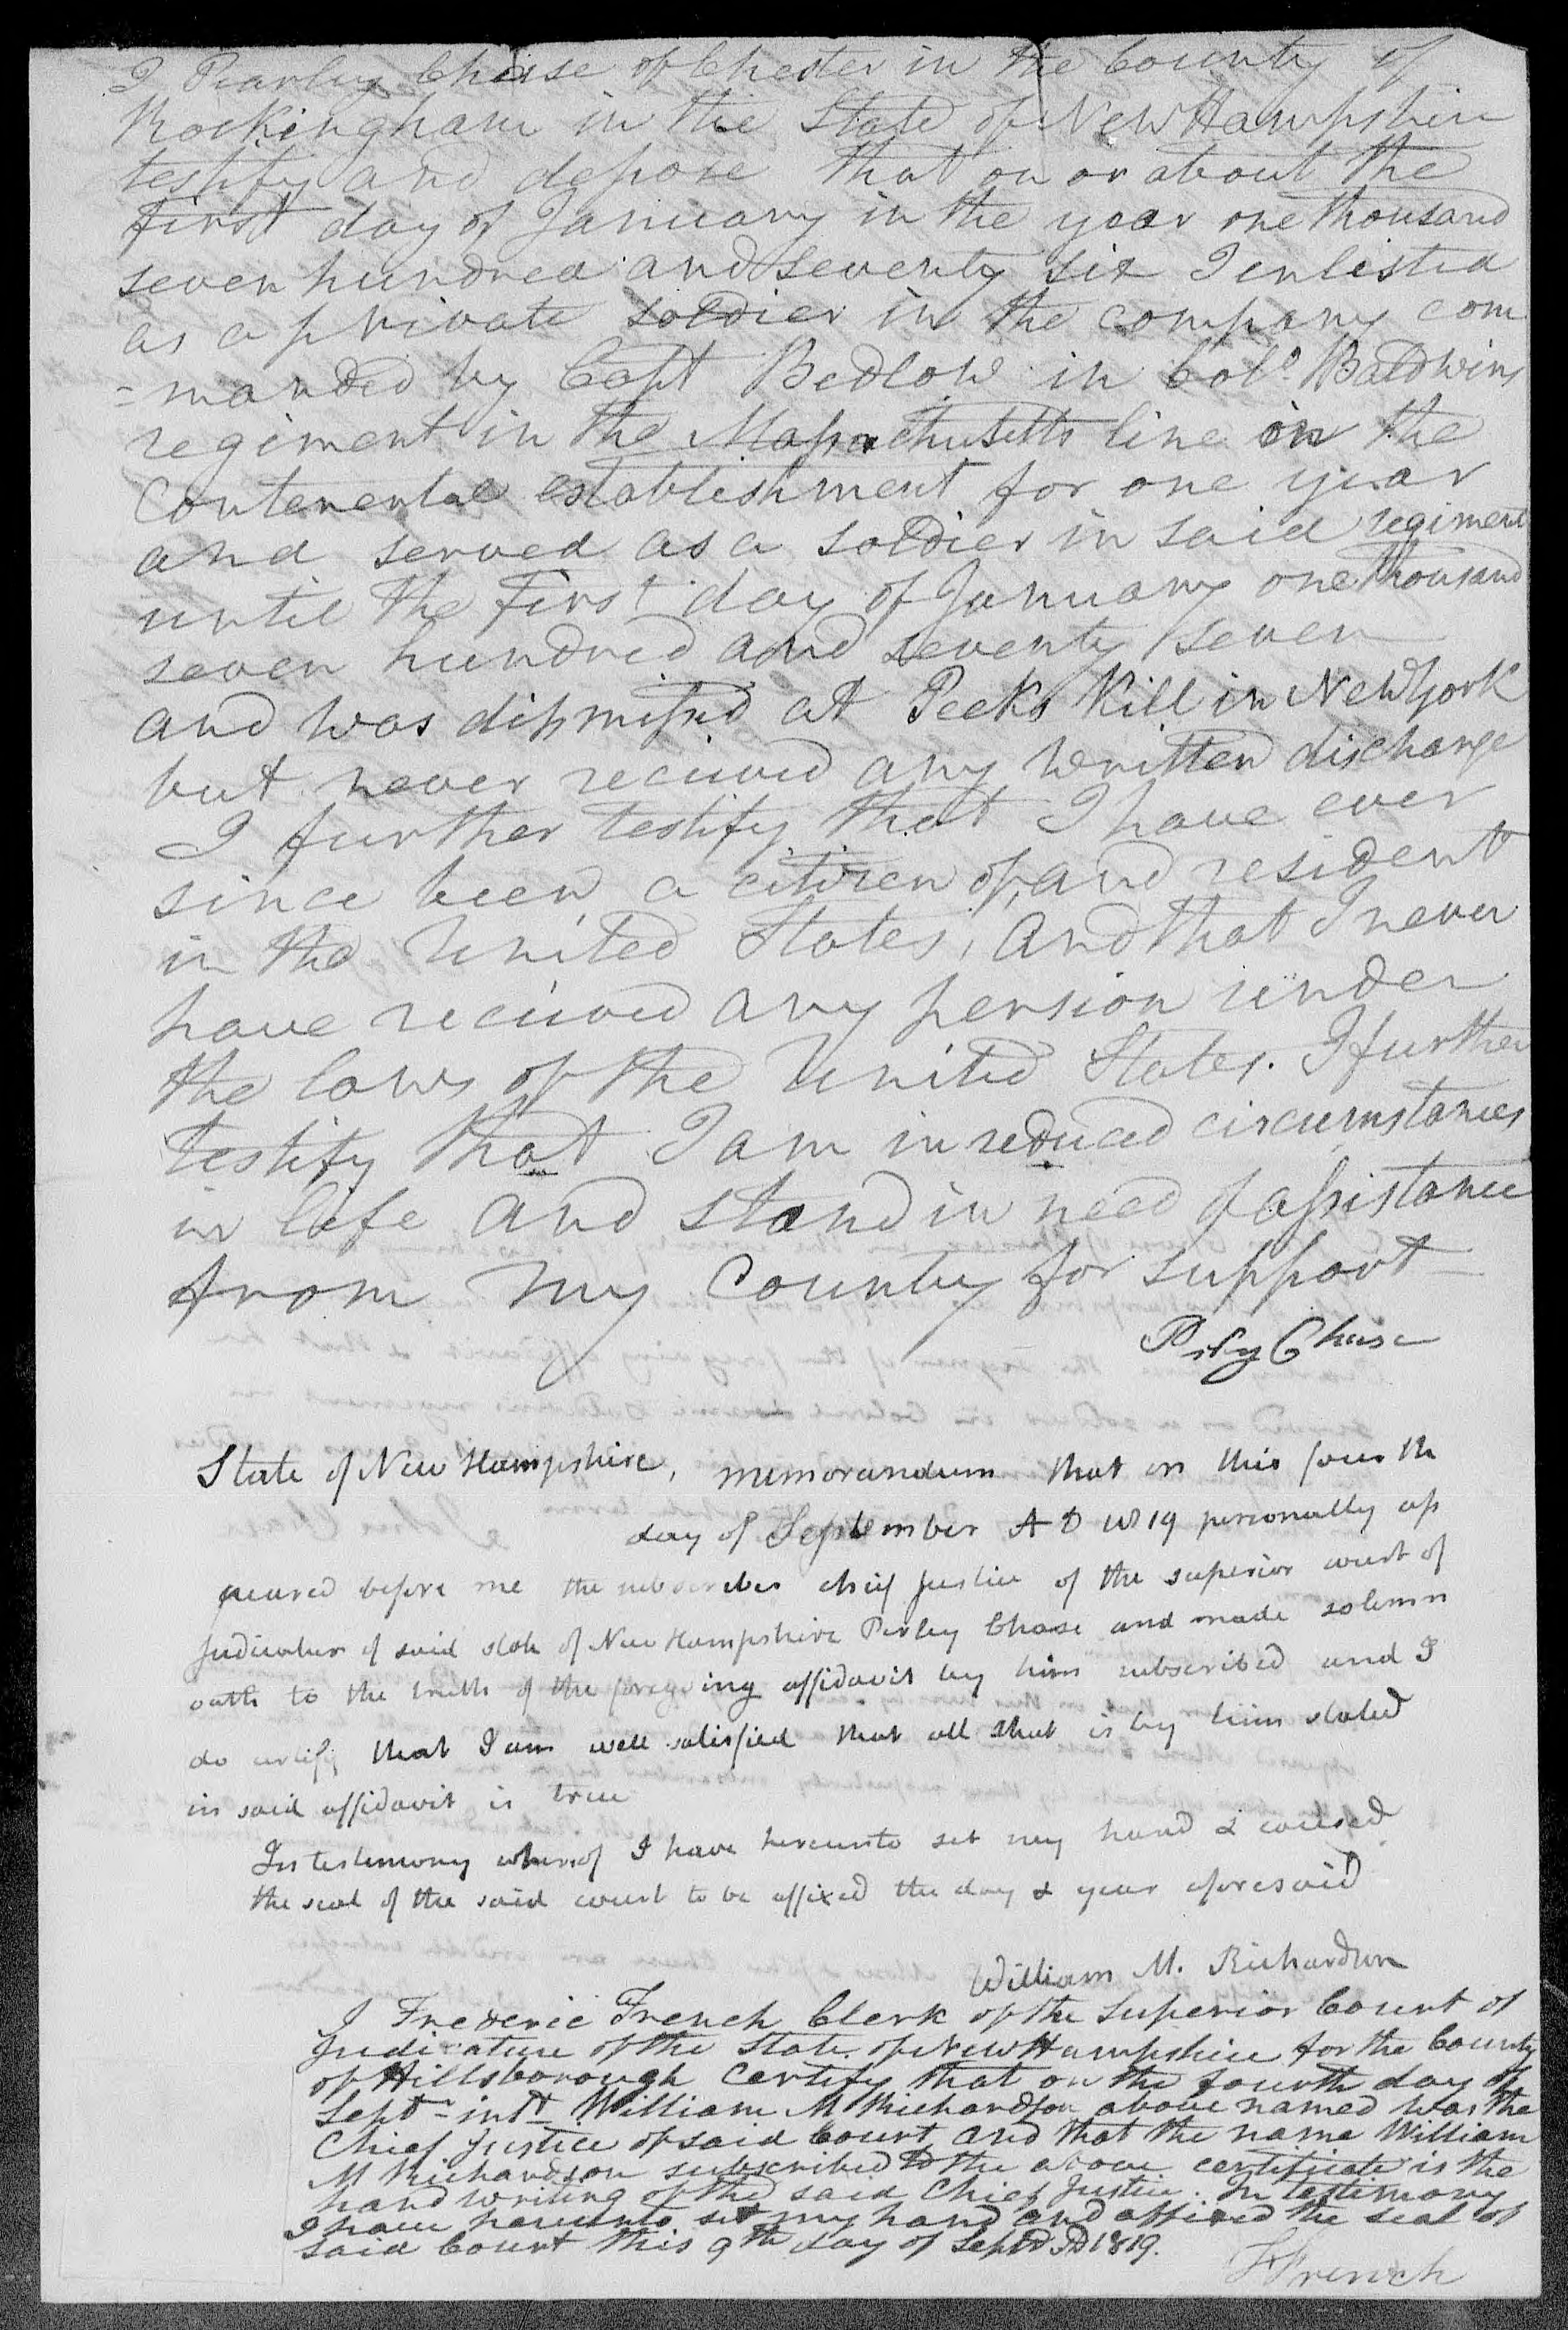I Perley Chase of Chester in the County of
Rockingham in the State of New Hampshire
testify and depose that on or about the
first day of January in the year one thousand
Seven hundred and seventy six I enlisted
as a private soldier in the company commanded
by Capt. Bedlow in Col. Baldwin's
regiment in the Massachusetts line on the
Continental establishment for one year
and served as a soldier in said Regiment
until the first day of January one thousand
seven hundred and seventy seven
and was dismissed at Peekskill in New York
but never received any written discharge.
I further testify that I have ever
since been a citizen of and resident 
in the United States, and that I never
have received any pension under the
laws of the United States. I further
testify that I am in reduced circumstances
in life and stand in need assistance
from my country for support-
Perley Chase


State of New Hampshire, Memorandum that on this fourth
day of September A D 1819 personally appeared 
before me the subscriber Chief Justice of the superior Court of
Judicature of said state of New Hampshire Perley Chase and made solemn
oath to the truth of the foregoing affidavit by him subscribed and I
do certify that I am well satisfied that all that is by him stated
in said affidavit is true.
In testimony whereof I have hereunto set my hand & affixed
the seal of the said will to be affixed the day & year aforesaid.
William M. Richardson

I Frederic French Clerk of the Superior Court of
Judicature of the State of New Hampshire for the County
of Hillsborough Certify that on the fourth day of
Sept- ins't William M Richardson above named was the
Chief Justice of said Court, and that the name William
M Richardson Subscribed to the above certificate is the
hand writing of the said Chief Justice. In testimony
I have hereunto set my hand and affixed the seal of
said Court this 9th day of Sept AD 1819.
F. French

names: William M Richardson, Prly Chase, Pearley Chase, Bedlow, Frederic French, F French, William M Richardson, Perley Chase, William M Richardson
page: 21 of 24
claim: survivor's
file: S. 17879, Perley Chase, Continental Mass.